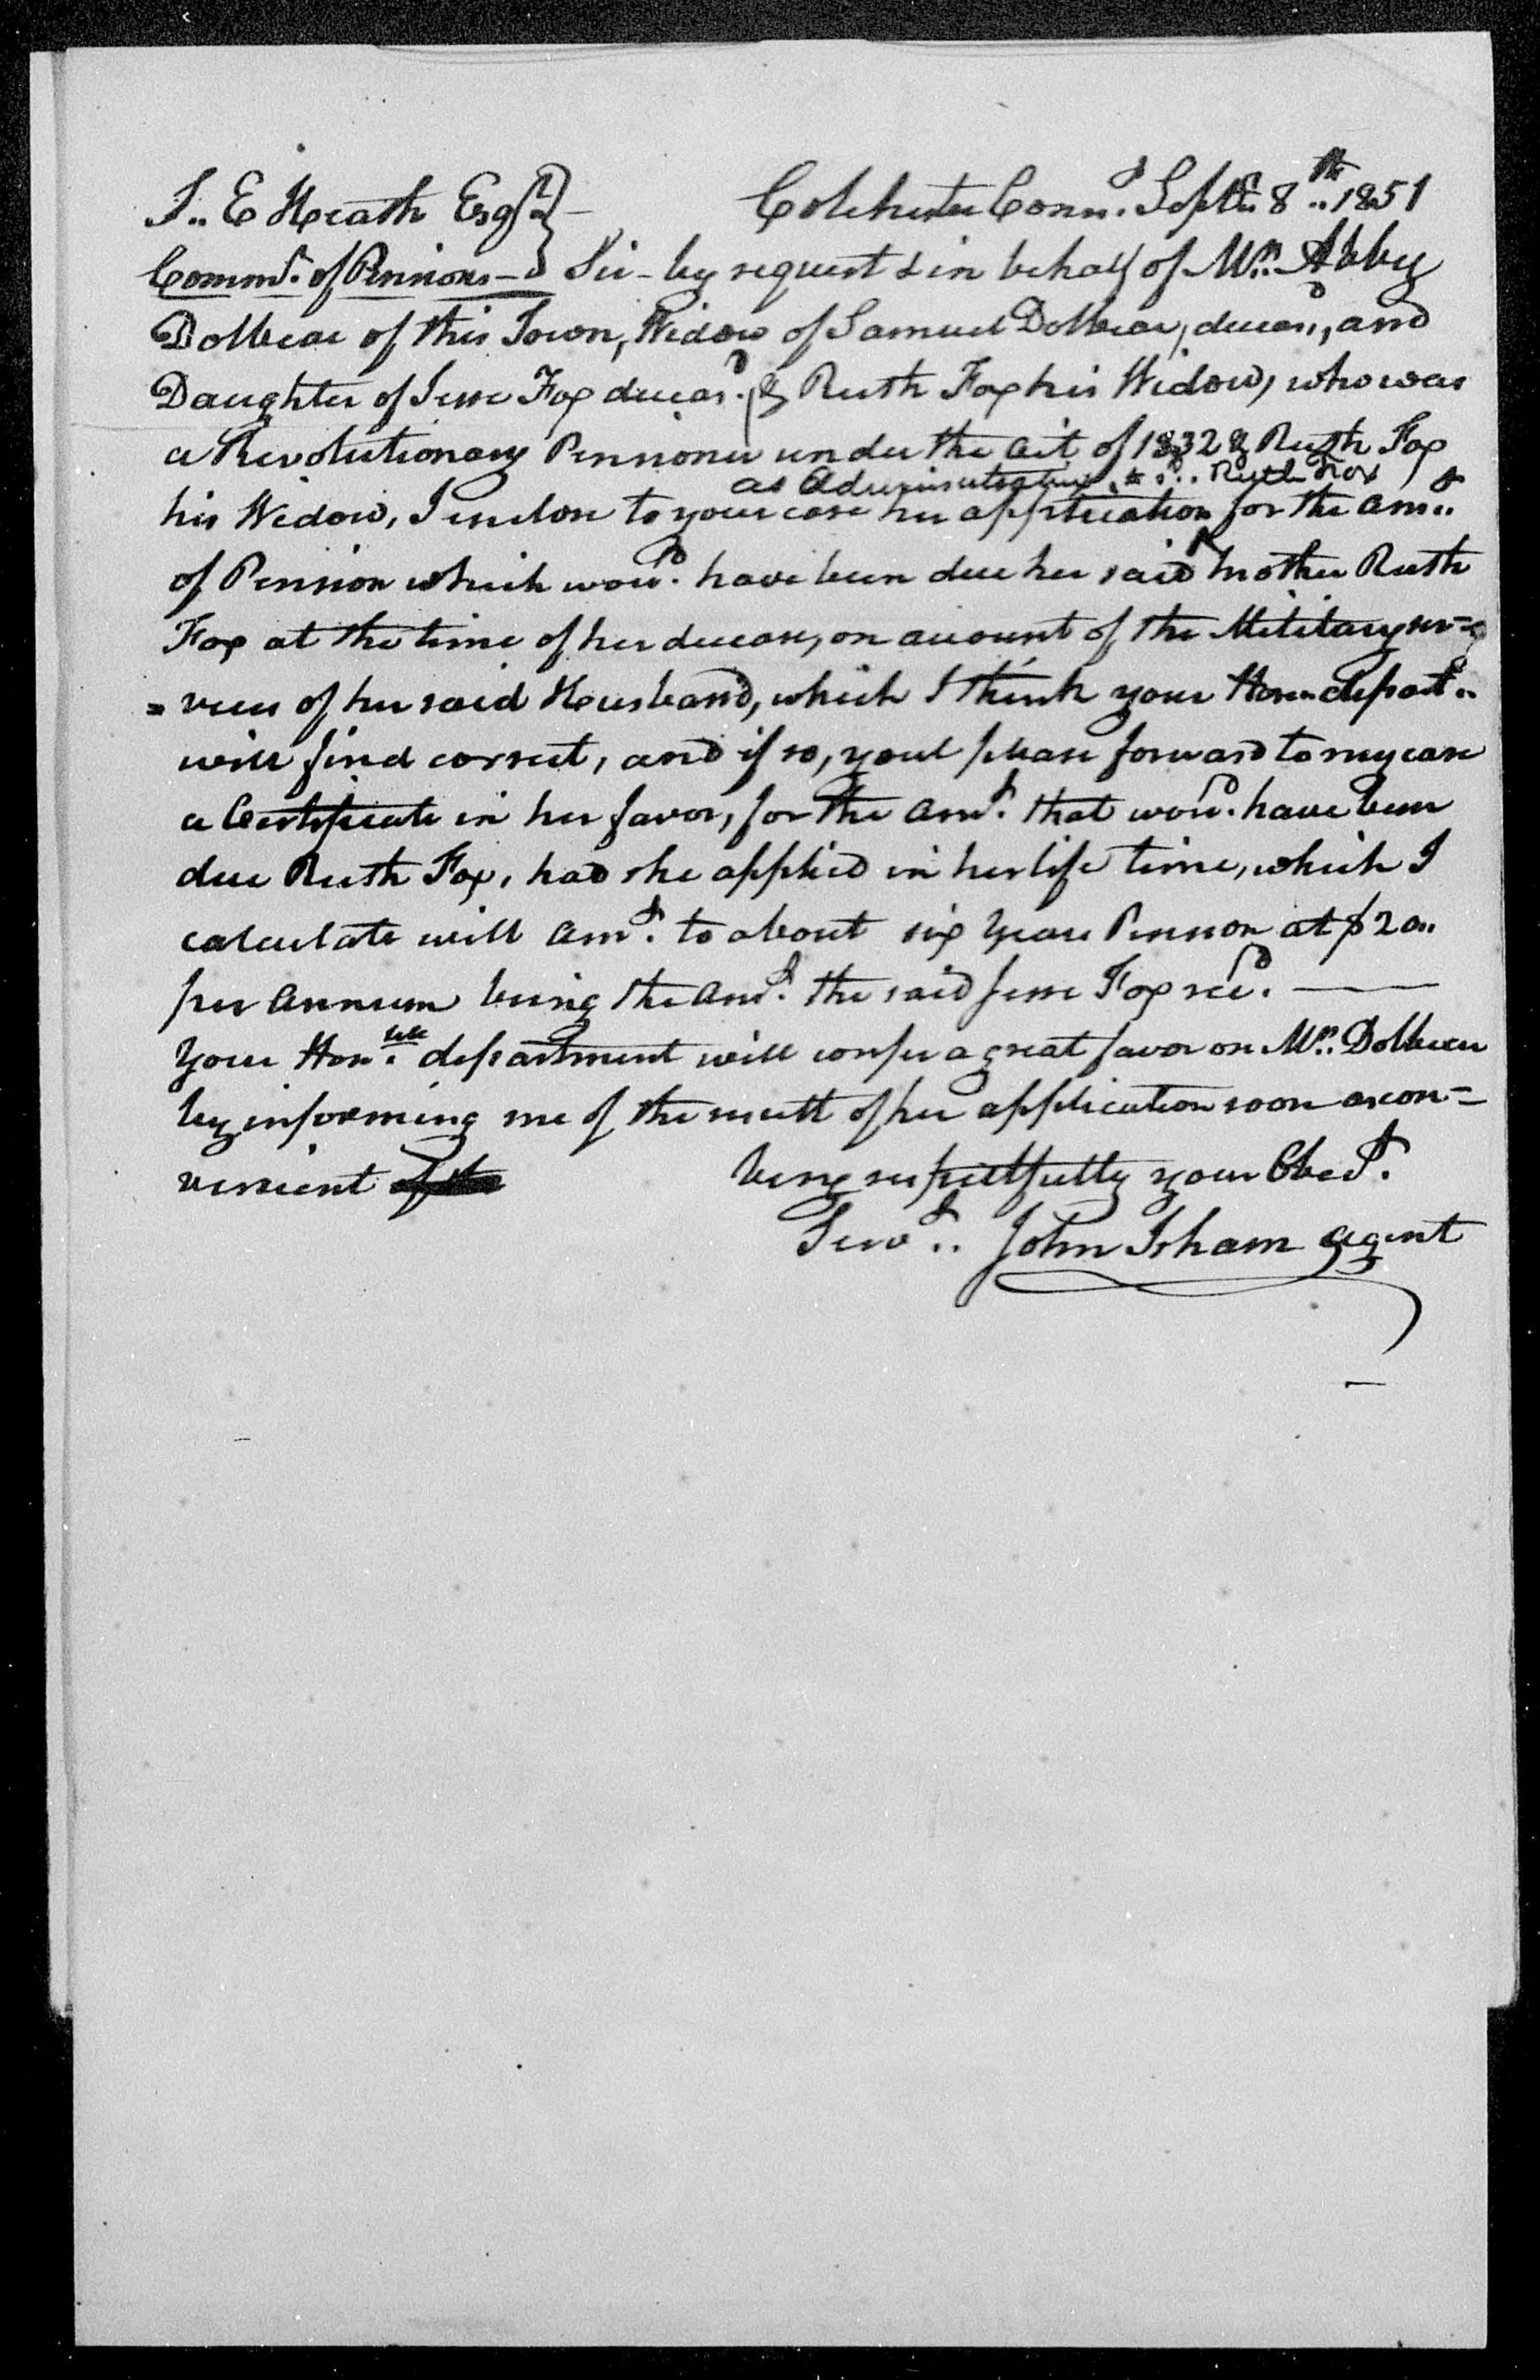J. E. Heath Esq
Commr of Pensions} Colchester Connt Sept 8th 1851

Sir-by request & in behalf of Mrs. Abby Dolbear of this Town, widow of Samuel Dolbear, deceasd, and daughter of Jesse Fox deceasd, & Ruth Fox his widow, who was a Revolutionary pensioners under the act of 1832 & Ruth Fox his widow, I enclose to you as administrator to Ruth Fox, her application for the am. of pension which would have been due her said mother Ruth Fox at the time her decease, on account of the military services if her said husband, which I think your [unk] depart will find correct, and if so, you please forward to my care a certificate in her favor, for the amt that would have been due Ruth Fox, had she applied in her life time, which I calculate will amt to about six years pension at $20 per annum being the amt the said Jesse Fox recd. Your hon'ble department will confer a great favor on Mrs. Dolbear by informing me of the result of her application soon as convenient.

Very respectfully your obedt servt

John Isham agent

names: Ruth Fox, John Isham, Ruth Fox, Abby Dolbear, Jesse Fox, Samuel Dolbear, Ruth Fox, Ruth Fox, Jesse Fox, Ruth Fox, J E Heath, Dolbear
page: 29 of 53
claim: rejected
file: R. 3732, Jesse Fox, Conn.